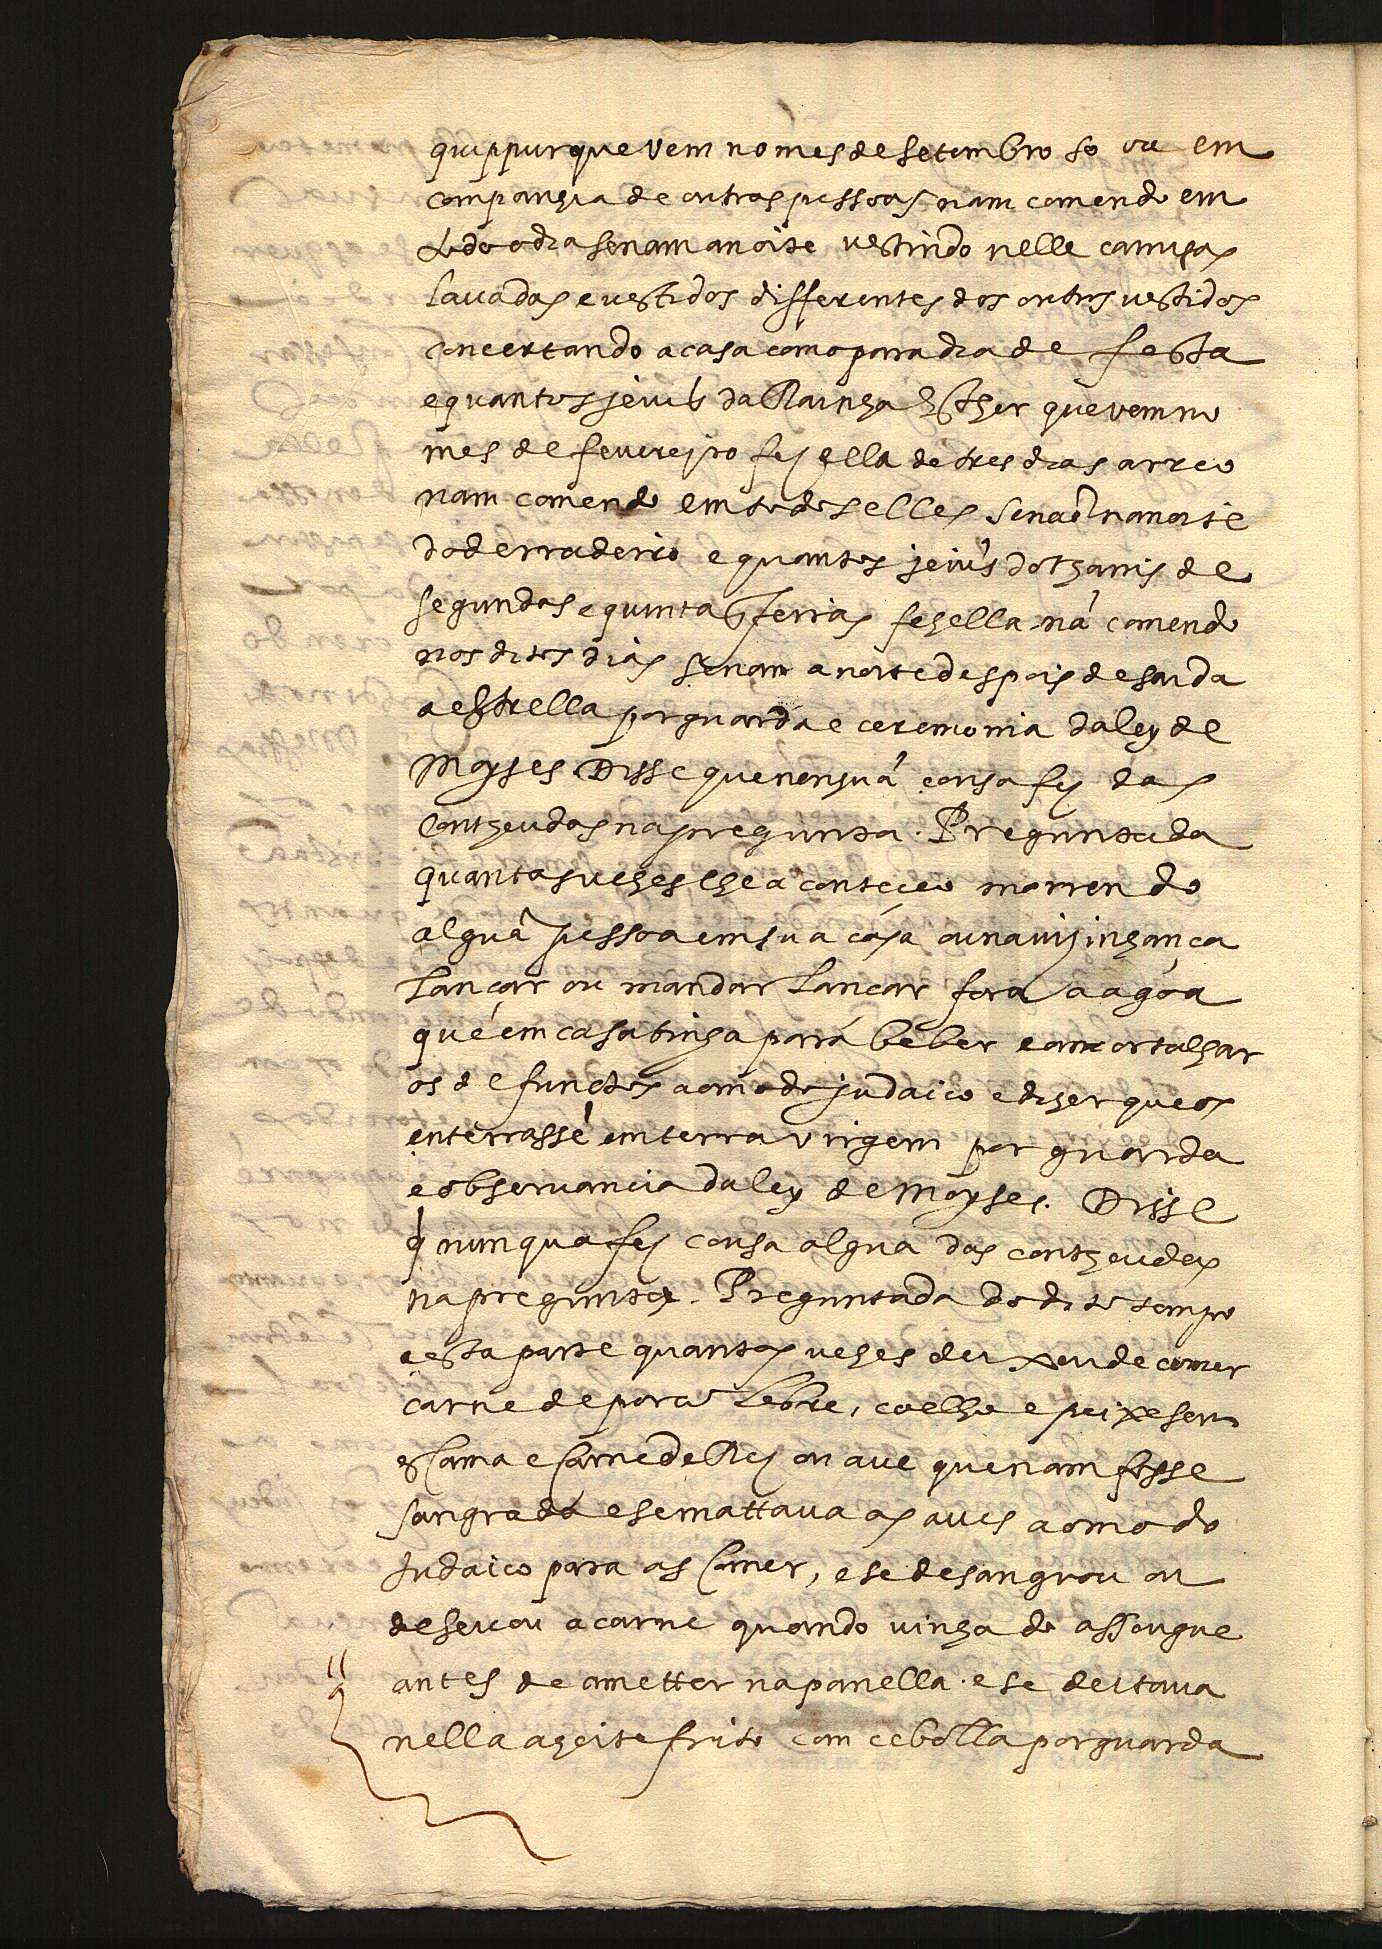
quippur que vem no mes de setembro so ou em
companhia de outras pessoas nam comendo em
todo o dia senam a noite uestindo nelle camisas
Lauadas e uestidos differentes dos outros uestidos
concertando a casa como para dia de festa
e quantos jeiūs da Rainha Esther que vem no
mes de feuereiro fez ella de tres dias a rreo
nam comendo em todos elles senaõ na noite
do derradeiro e quantos jeiūs do thanis de
segundas e quintas feiras fez ella nã comendo
nos ditos dias senam a noite despois de saida
a estrella por guarda e ceremonia da ley de
Moyses. Disse que nenhuā cousa fez das
contheudas na pregunta. Preguntada
quantas ueses lhe aconteçeo morrendo
alguā pessoa em sua casa ou na uisinhança
Lançar ou mandar Lançar fora a agoa
que em casa tinha para beber e amortalhar
os defunctos ao modo judaico e dizer que os
enterrassẽ em terra virgem por guarda
e obseruancia da ley de moyses. Disse
q̄ nunqua fez cousa algua das contheudas
na pregunta. Preguntada do dito tempo
a esta parte quantas uezes deixou de comer
carne de porco Lebre, coelho e peixe sem
esCama e Carne de Res ou aue que nam fosse
sangrada e se mattaua as aues ao modo
Judaico para as Comer, e se desangrou ou
descuou a carne quando uinha do assougue
antes de a metter na panella. e se deitaua
nella azeite frito com cebolla por guarda
